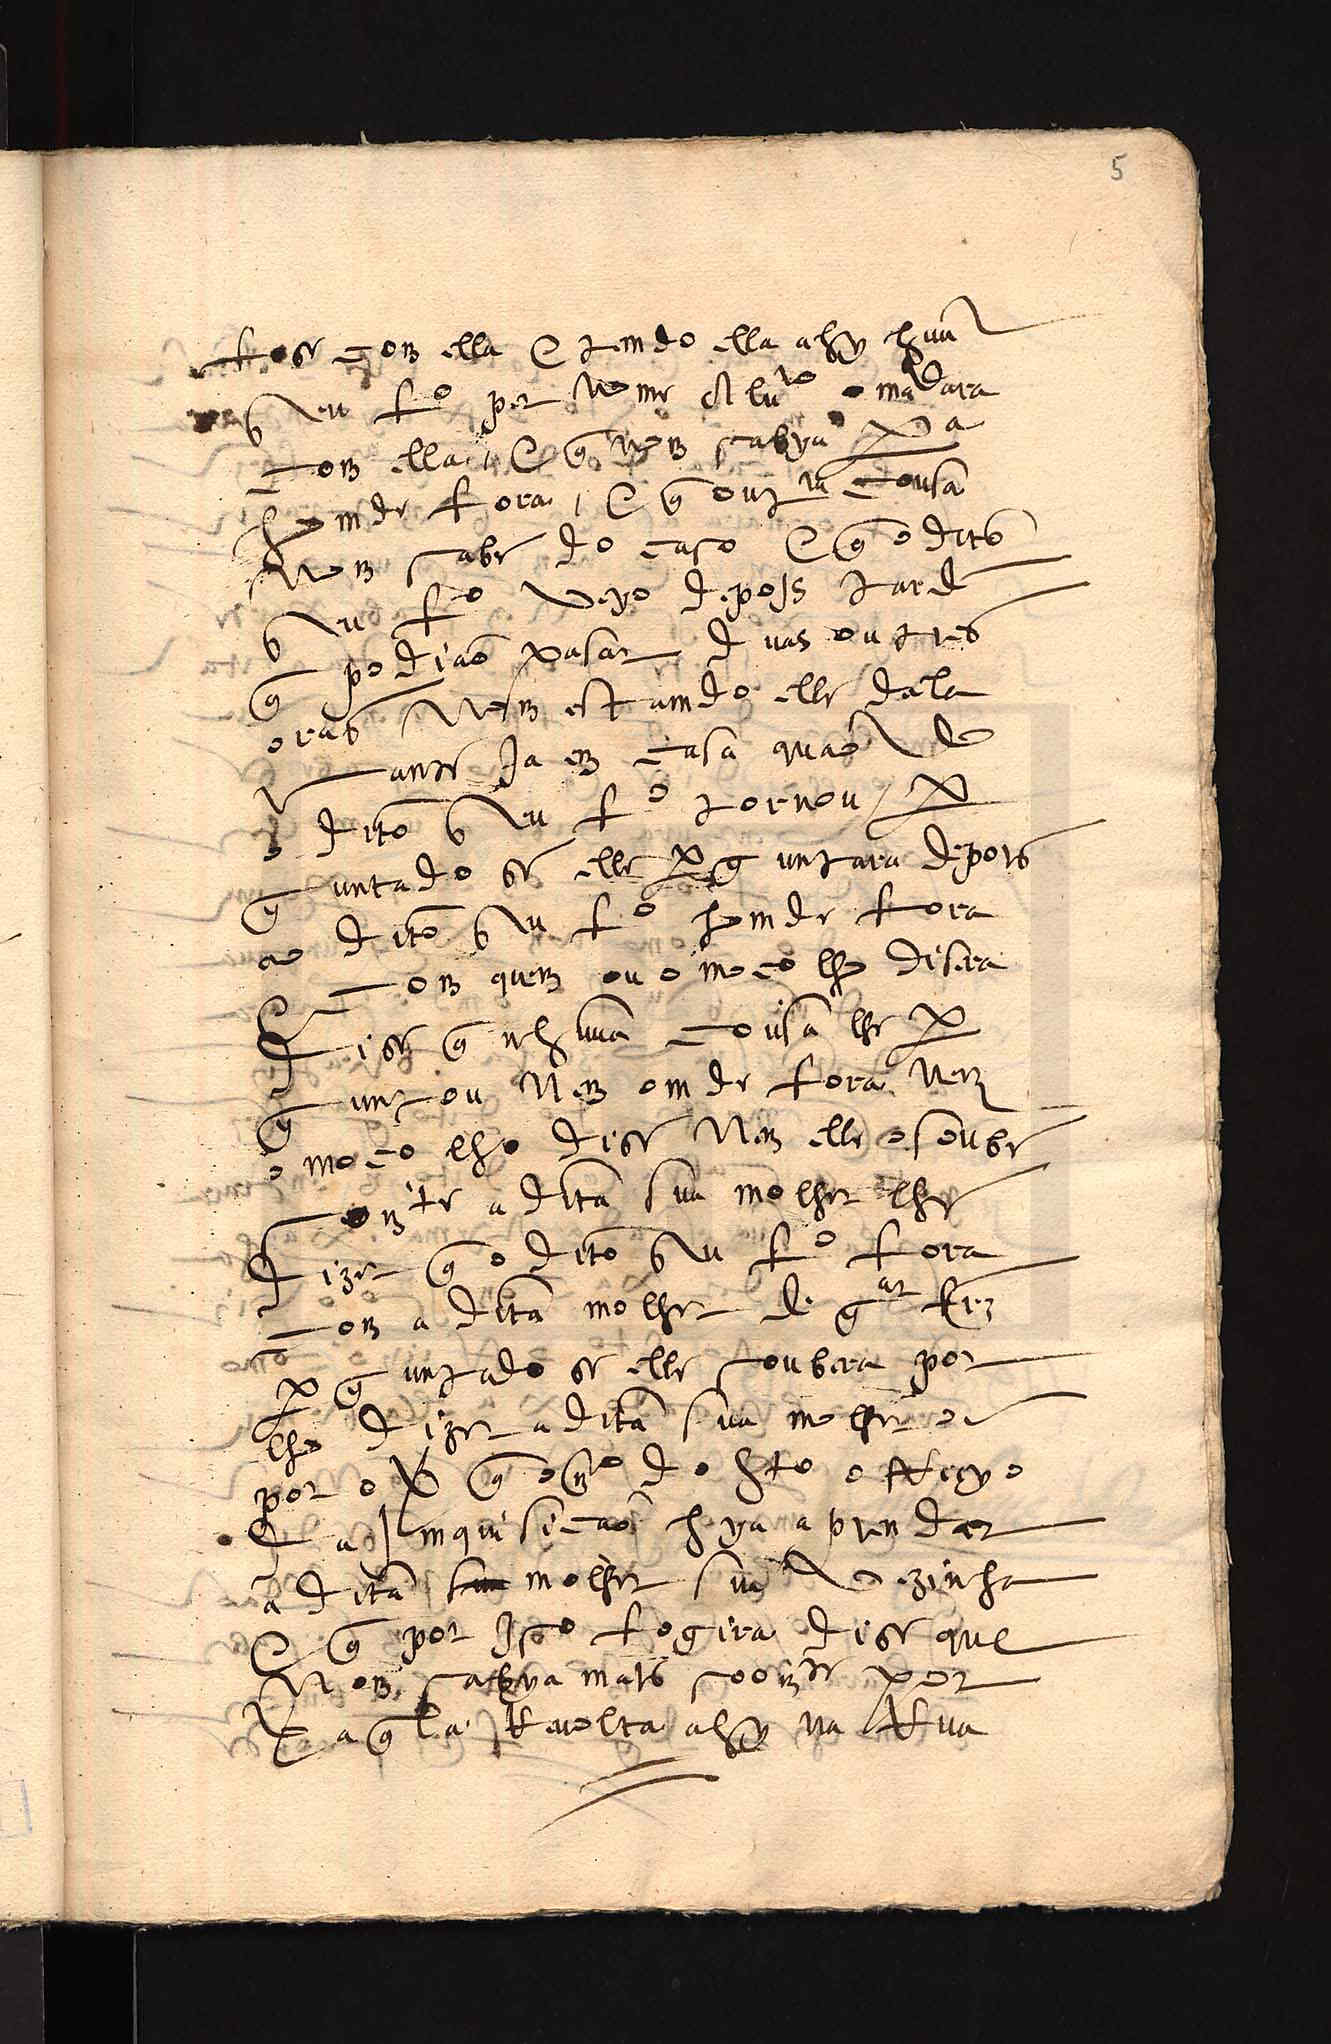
fose com ella e temdo ella ahy huū
seu fo per nome Aluro o mādara
com ella / e q̄ nom sabya ꝑa
homde fora / e q̄ outra cousa
Nom sabe do caso e q̄ o ditō
seu fo Veyo depoJs tarde
q̄ podião pasar duas ou tres
oras Nom estamdo elle decla
rante Ja em casa quaōdo
o dit̄o seu fo tornou / ꝑ
guntado se elle ꝑguntara depois
ao dit̄o seu fo homde fora
e com quem ou o moço lho disera
dise q̄ nhūua cousa lhe ꝑ
guntou Nem omde fora Nem
o moço lho dise Nem elle o soube
somte a dit̄a sua mulher lhe
dizer q̄ o dit̄o seu fo fora
com a dit̄a molher de gar fr̄z
ꝑguntado se elle soubera por
lho dizer a dit̄a sua molher ou
por o Ꝟ q̄ o m̄ro do Sto officyo
da Jmquisicaõ hya a prender
a dita sua molher sua Vezinha
e q̄ por Jso fogira dise que
Nom sabya majs soomte por
Ꝟ aq̄la Reuolta ahy na Rua
